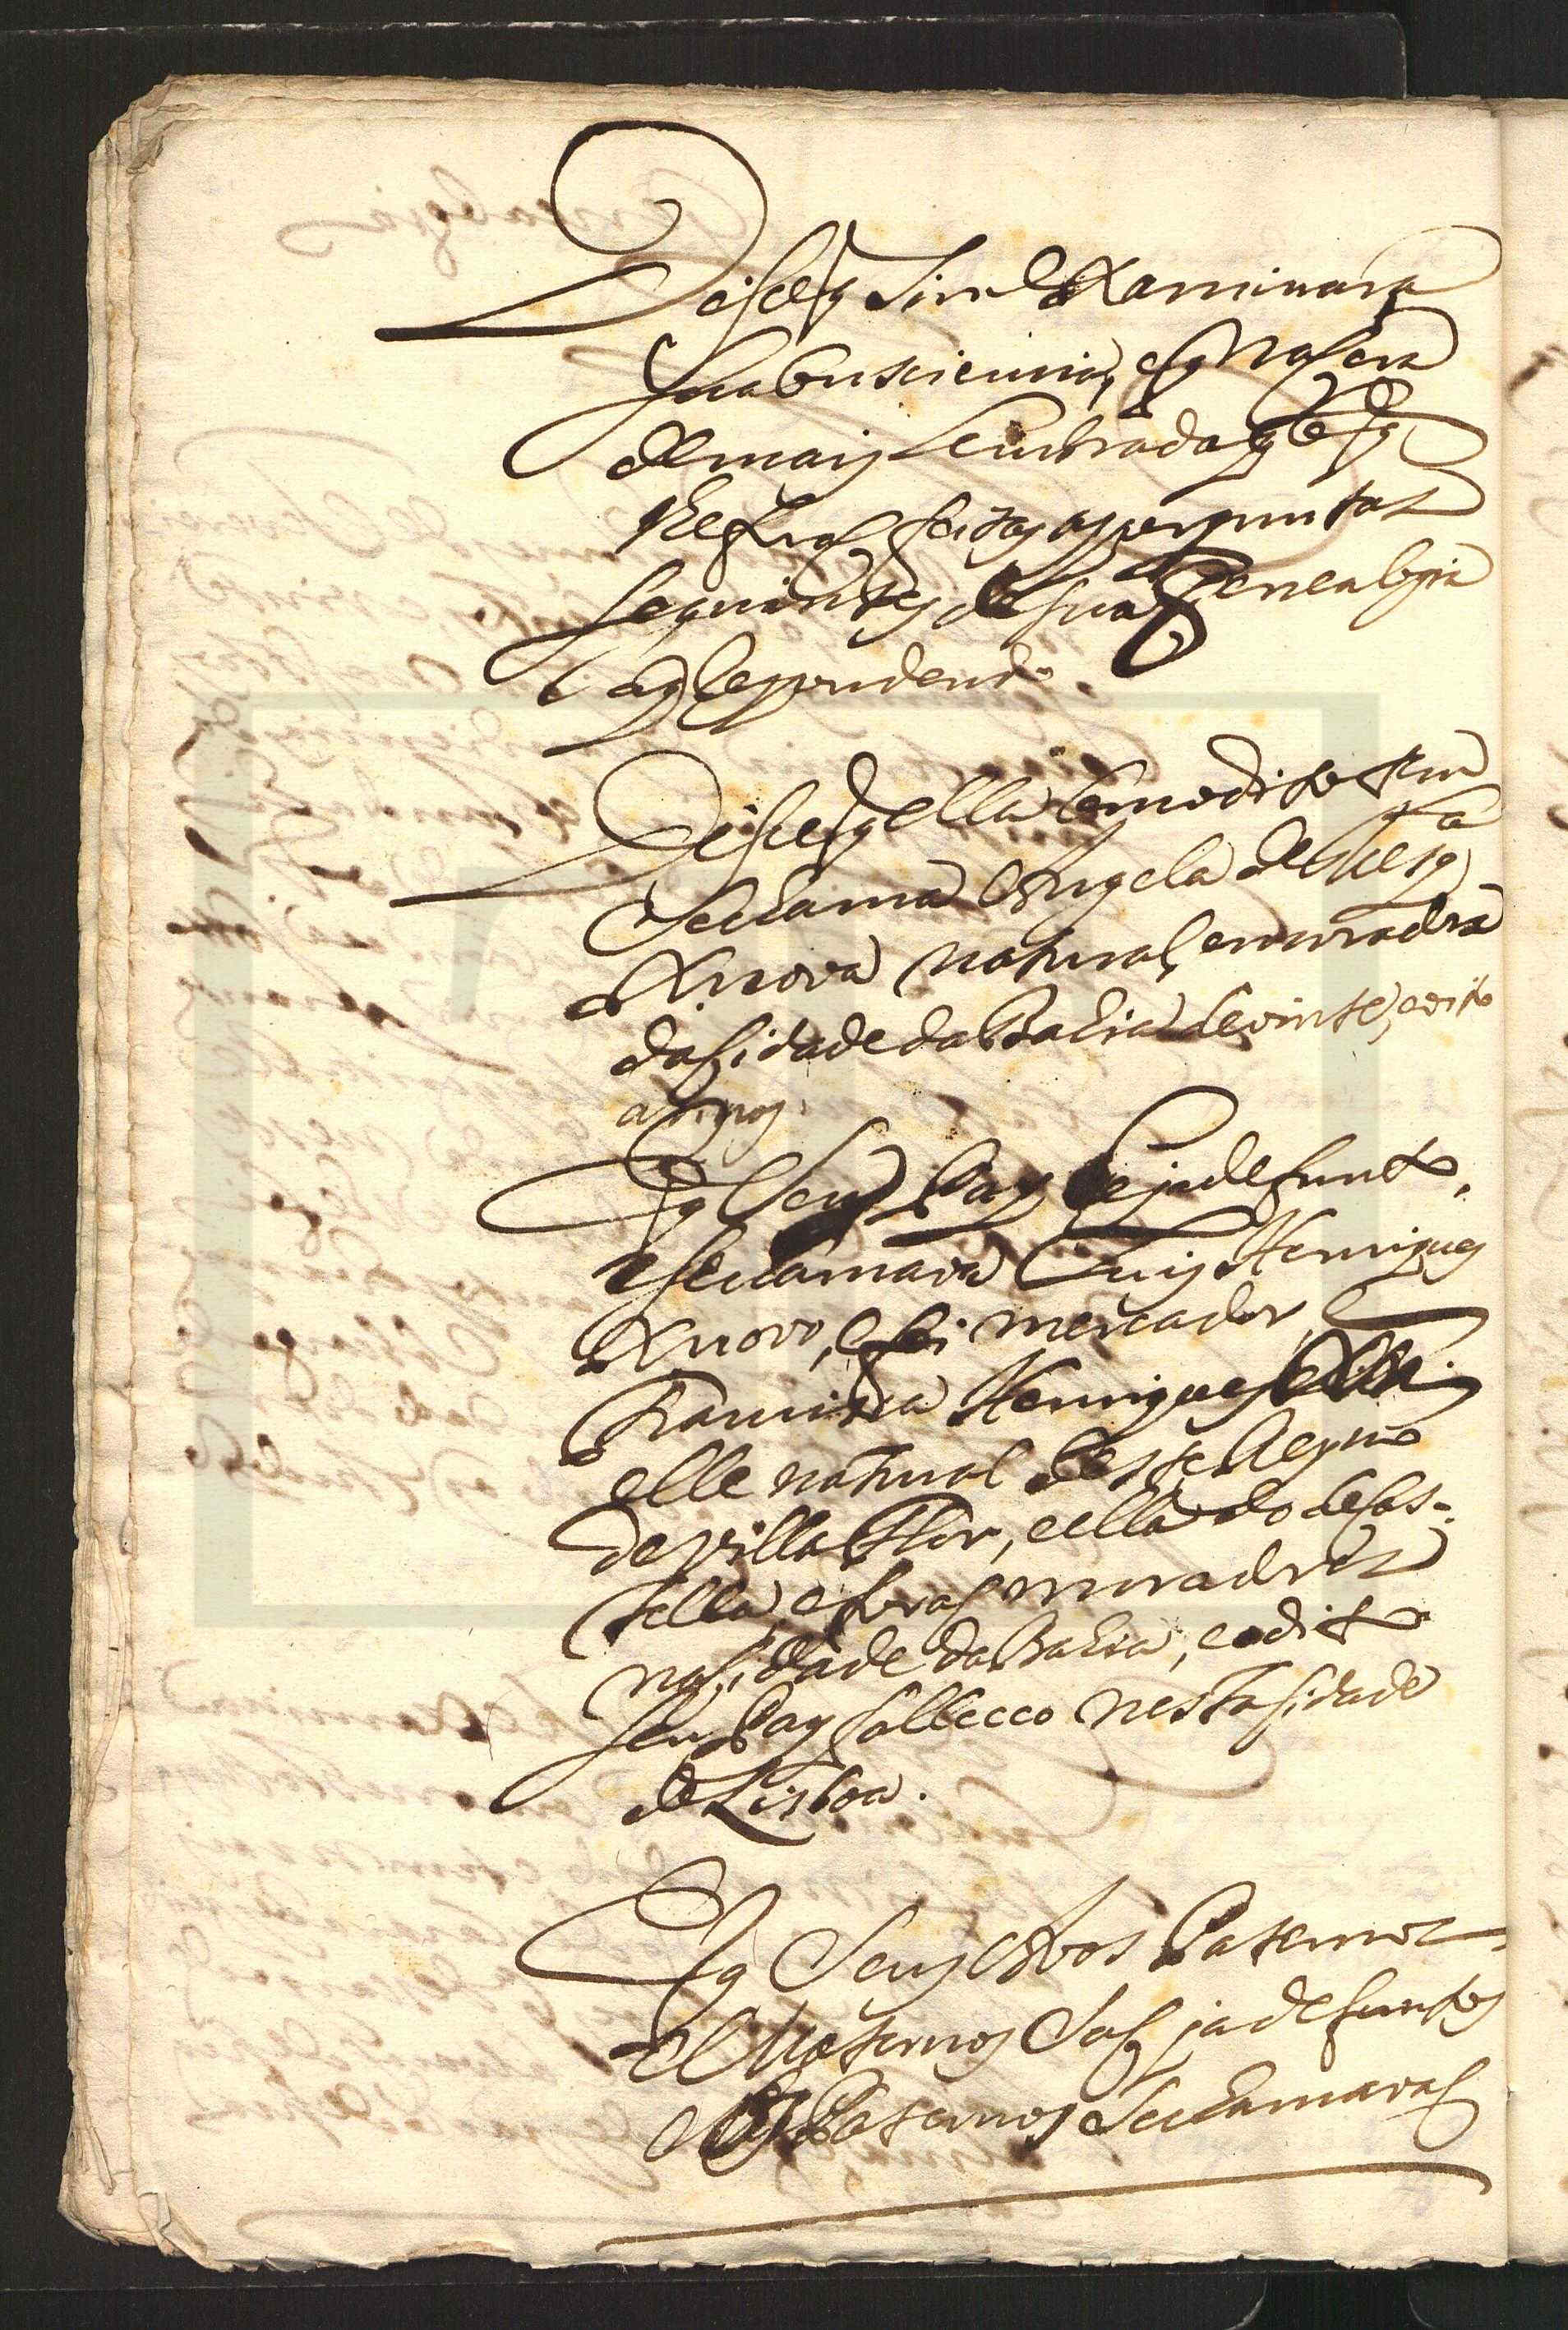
Disse q̄ sim eXaminara
sua consciencia, e q̄ naꝭ era
de mais lembrada plo q̄
lhe foraꝭ feitas as perguntas
seguintes de sua Genealogia
a q̄ Respondendo
Disse q̄ ella como dito tem
se chama Angela de Mesqta
X. nova natural, e moradora
da Cidade da Bahia de vinte, e oito
annos.
E q̄ Seu Pay he ja defunto,
e se chamava Luis Henriques
X novo, e foi mercador, e
Francisca Henriques X n.
elle natural deste Reyno
de villa Flor, e ella do de Cas
tella, e foraꝭ moradorez
na Cidade da Bahia, e o dito
seu Pay falleceo nesta Cidade
de Lisboa.
E q̄ Seus Avos Paternoz
e Maternos Saꝭ ja defuntos
e Os Paternos se chamavaꝭ
